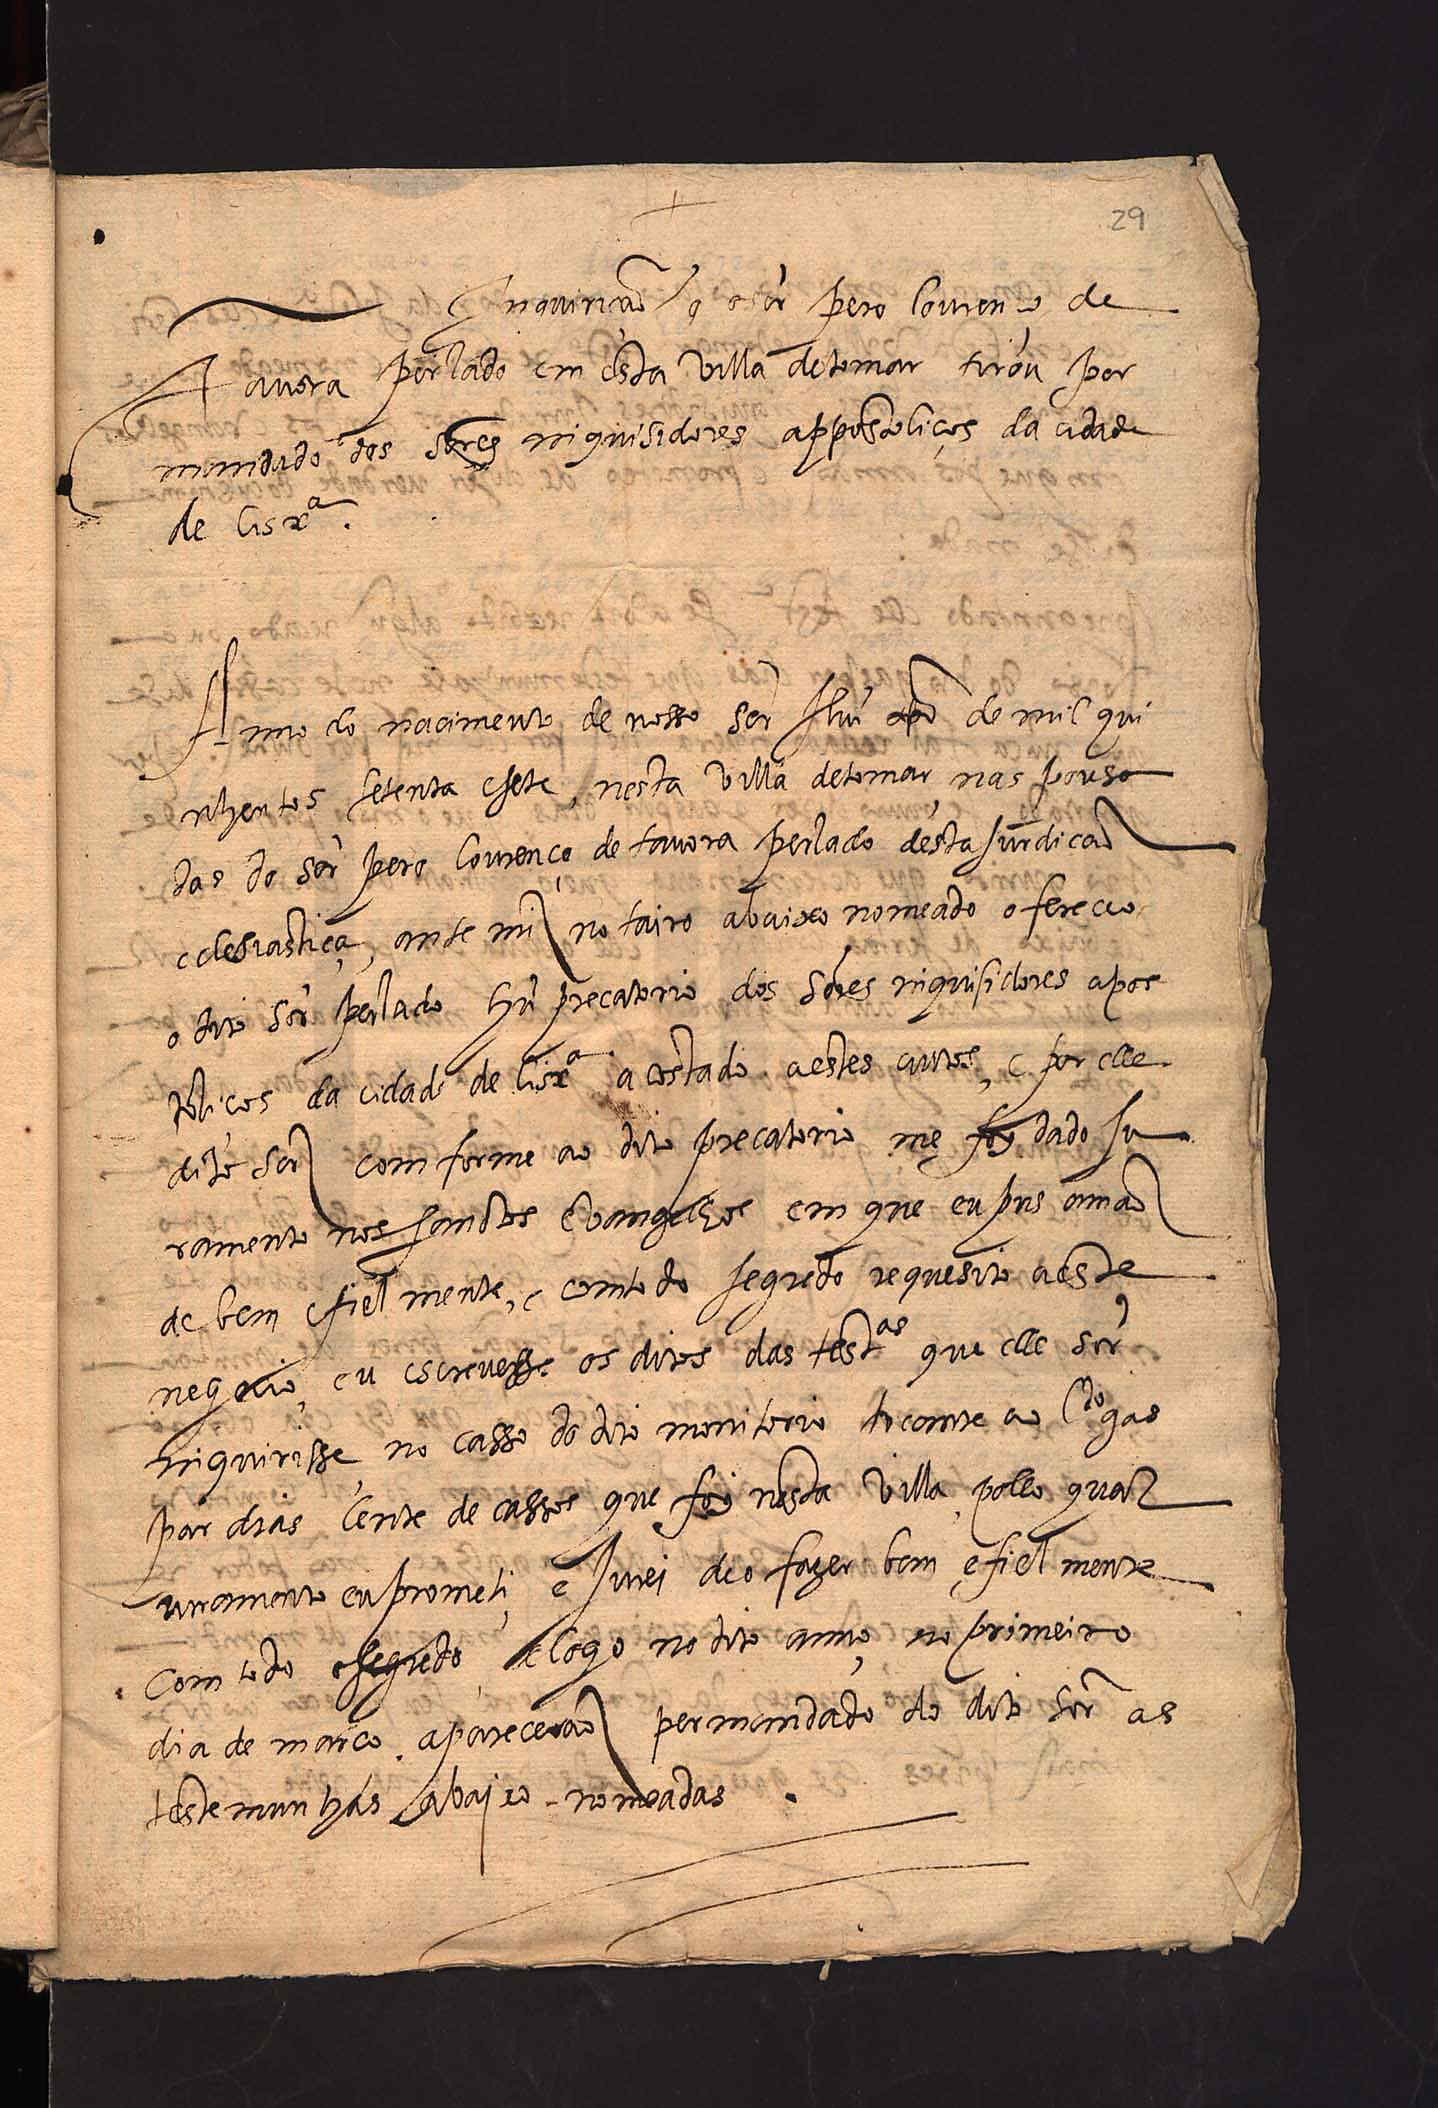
Jnquirição q̅ o sor̄ pero lourenço de
tauora perlado em esta villa de tomar tirou por
mamdado dos so̅res inquisidores appostoliços da cidade
de lisxa.
Anno do nacimeto de nosso so̅r Jhu̅ xpo̅ de mil qui
nhentos setenta e sete, nesta villa de tomar, nas pousa
das do sor̄ pero lourenço de tauora perlado desta Jūrdicaõ
eclesiastiça, ante mī notairo abaixo nomeado ofereceo
o dito so̅r perlado hu̅ precatorio dos so̅res inquisidores apos
toliços da cidade de lisxa acostado a estes autos, e por elle
dito sor̄ comforme ao dito precatorio me foy dado Ju
ramento nos sanctos evangelhos em que eu pus a mão
de bem e fielmente, e com todo segredo requesito a este
negocio, eu escreuesse os ditos das testas que elle sor̄
inquirisse no casso do dito monitorio tocante ao ldo gas
par dias lente de cassos que foy nesta villa pollo qual
iuramento eu prometi, e Jurei de o fazer bem e fielmente
com todo o segredo, e logo no dito anno, no primeiro
dia de março aparecerão per mandado do dito sor̄ as
testemunhas abajxo nomeadas
